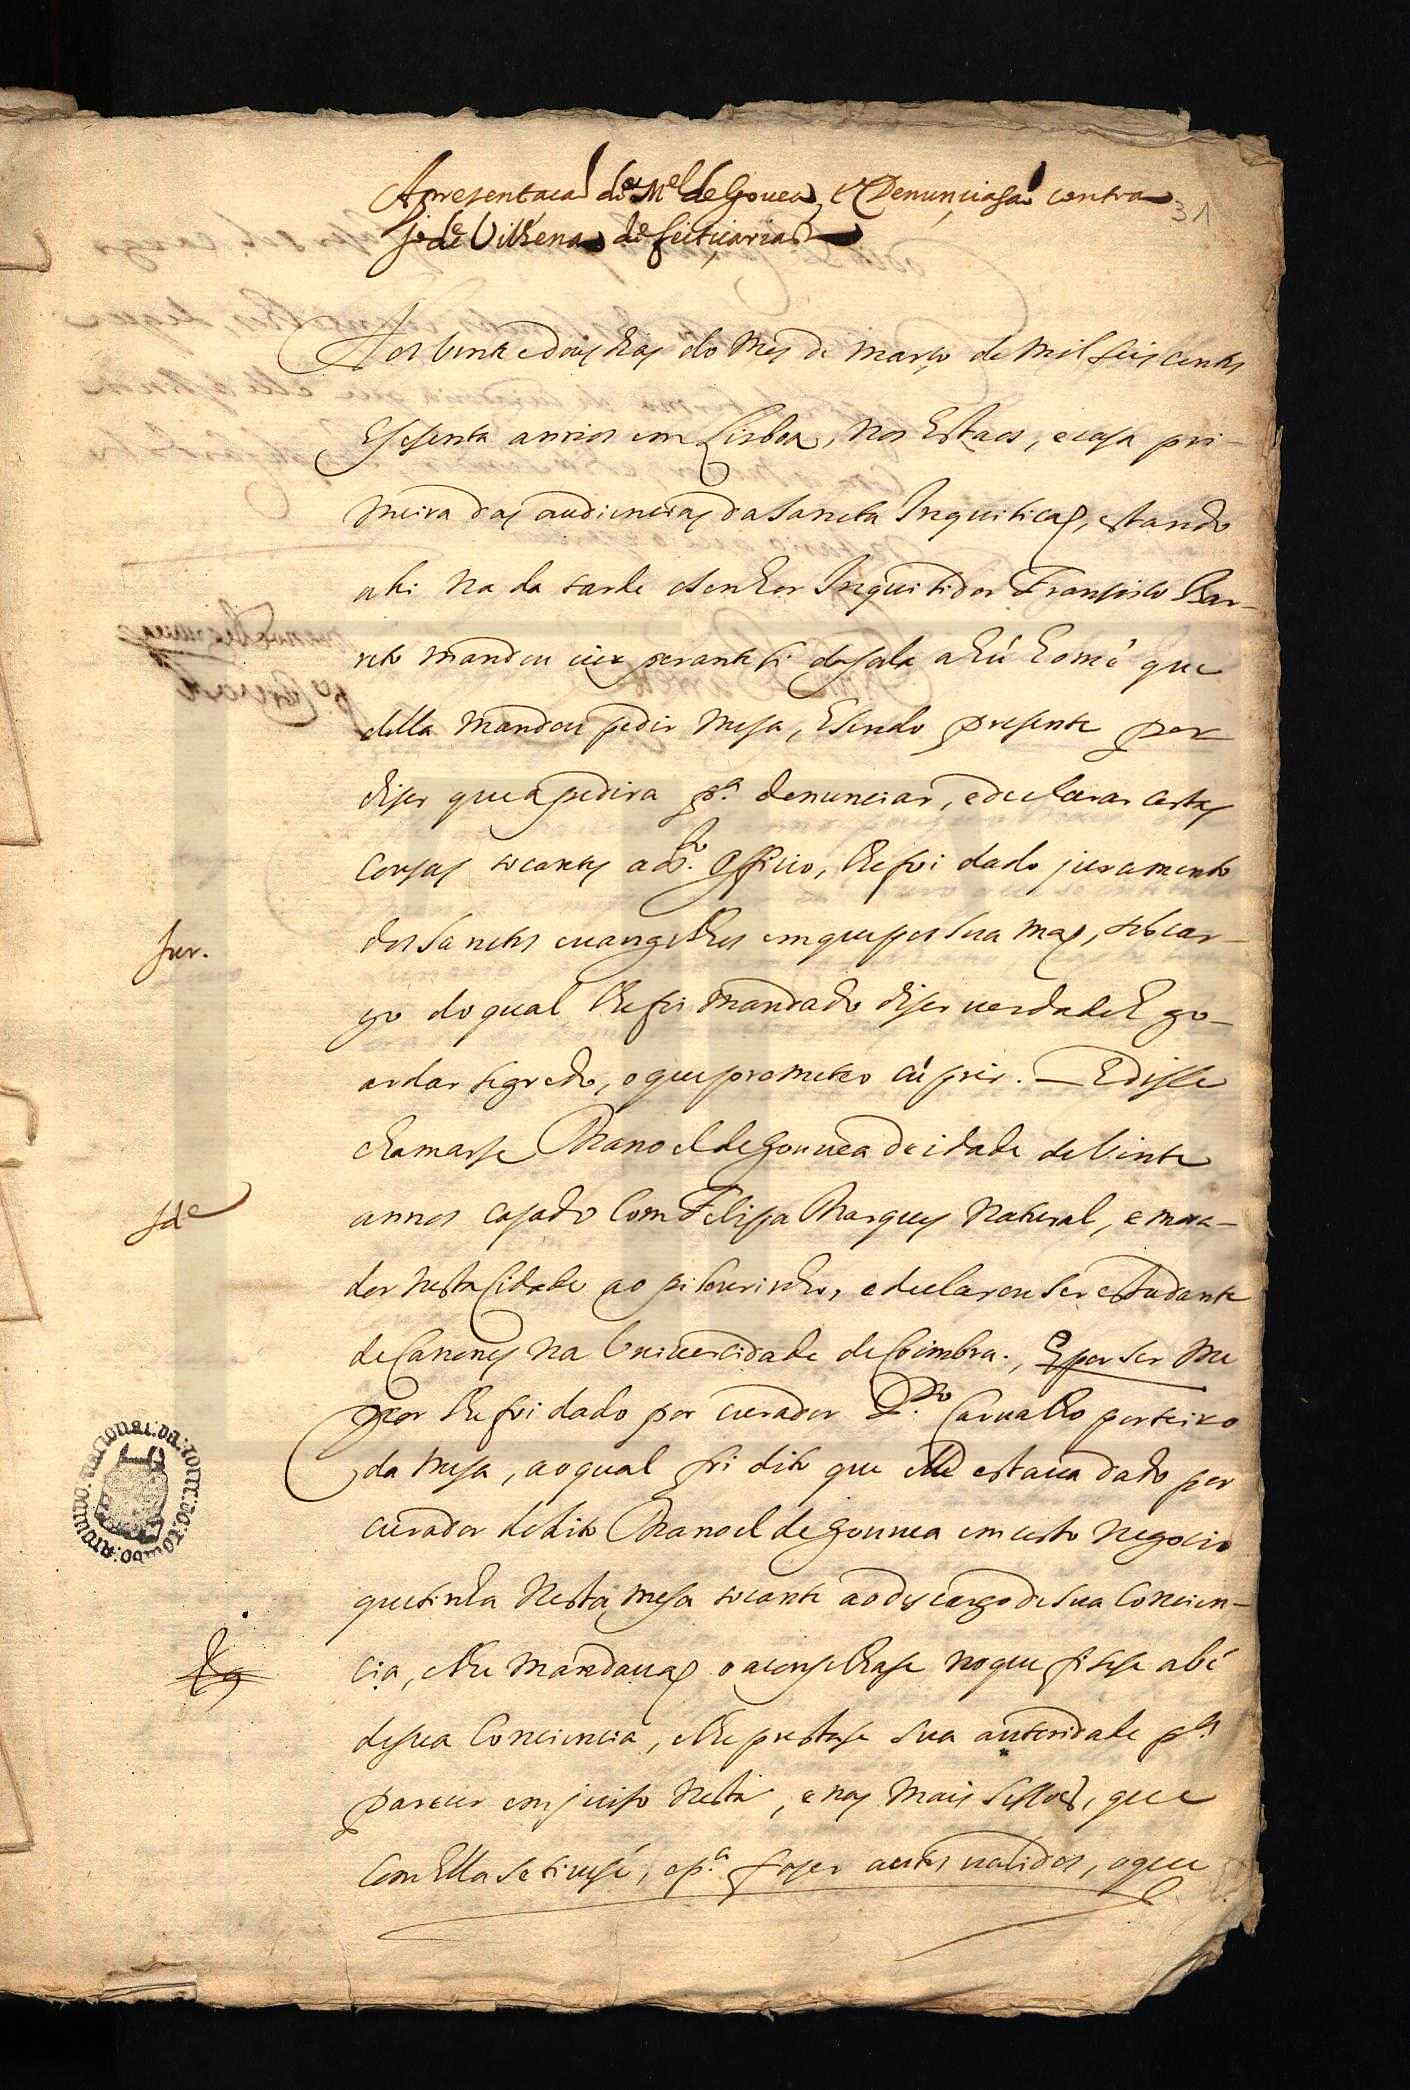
Apresentaçaõ do Mel de Gouea, e Denunciasaõ contra
Jo de Vilhena de feitiçarias
Aos vinte e dois dias do mes de março de mil seiscentos
E sesenta annos em Lisboa nos Estaos, e casa pri
meira das audiencias da sancta Inquisiçaõ, estando
ahi na da tarde o senhor Inquisidor Francisco Bar
reto mandou uir perante si da sala a hū homē que
della mandou pedir mesa, E sendo presente por
diser que a pedira p.a denunciar, e declarar certas
cousas tocantes ao s.to Officio, lhe foi dado juramento
Jur.
dos Sanctos euangelhos em que pos sua maõ, sob car
go do qual lhe foi mandado diser uerdade E go
ardar segredo, o que prometeo cūprir. - E disse
chamarse Manoel de Gouuea de idade de Vinte
Ide
annos casado com Felipa Marques natural, e mora
dor nesta Cidade ao pilourinho, e declarou ser estudante
de Canones na Uniuercidade de Coimbra, E por ser me
nor lhe foi dado por curador P.ro Carualho porteiro
da mesa, ao qual foi dito que elle estaua dado per
curador do dito Manoel de Gouuea em certo negocio
que tinha nesta mesa tocante ao descargo de sua concien
cia, e lhe mandauaõ o aconselhase no que fisese a bē
de sua conciencia, e lhe prestase sua autoridade p.a
parecer em juiso nesta, e nas mais sessoes, que
com Ella se tiuesē, e p.a faser autos ualidos, o que
